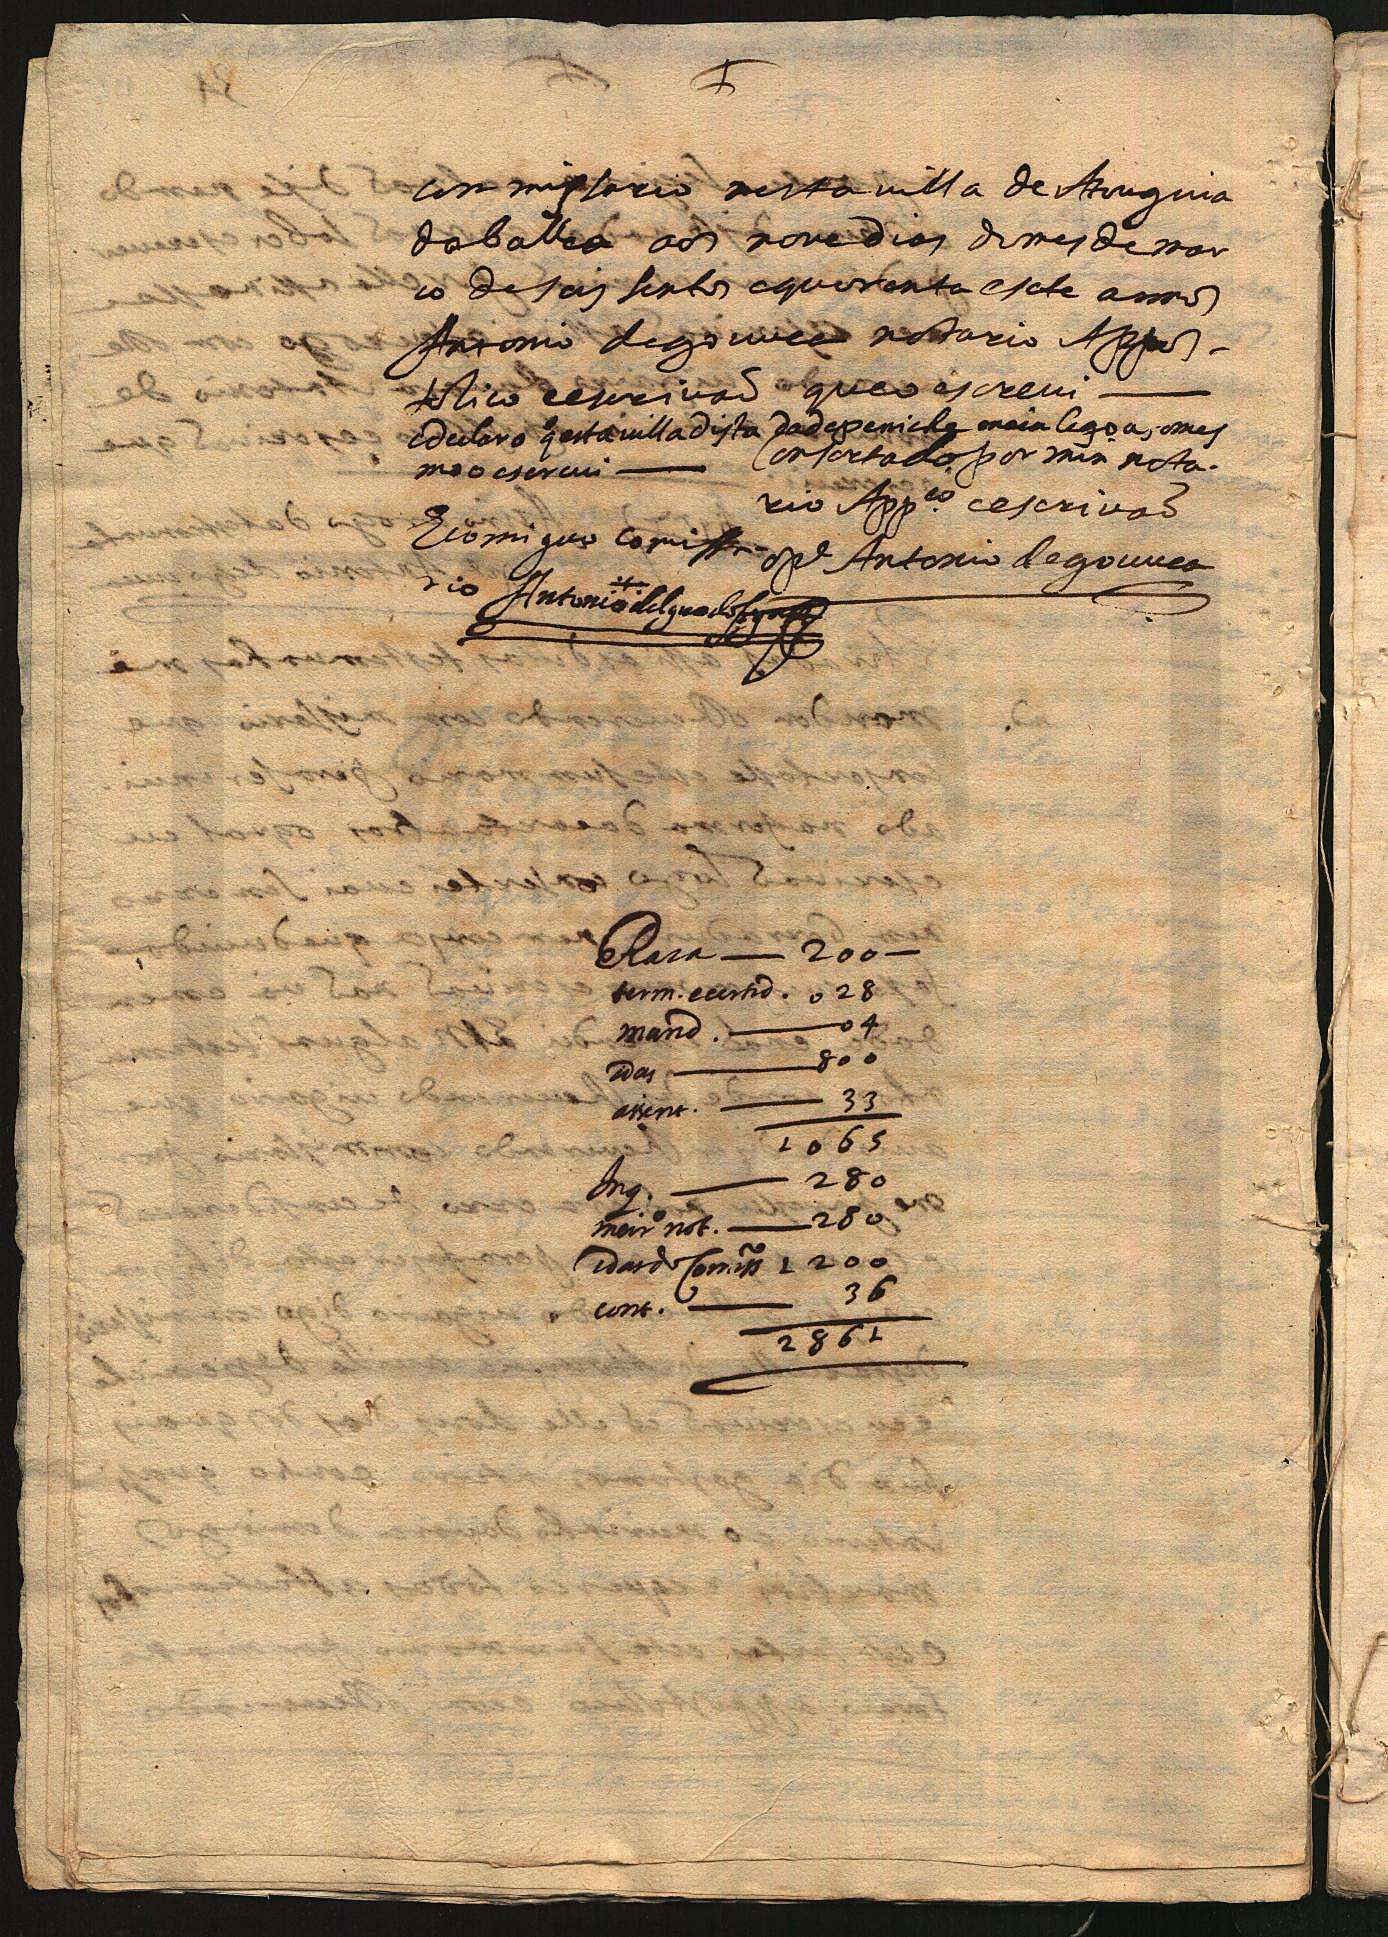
commissario nesta uilla de Atouguia
da ballea aos noue dias do mes de mar
ço de seissentos e quarenta e sete annos
Antonio de gouuea notario Appos
tolico e escriuaõ que o escreui
e declaro q̄ esta uilla dista da de peniche meia legoa, o mes
mo o escreui
Consertado por min nota
rio App.co e escrivaõ
o pe Antonio de gouuea
E comiguo comissa
rio Antonio delguado figa
Raza – 200
term. e certid. 028
mand. – 04
idas – 800
assent. – 33
1065
Inq. – 280
meiro not. – 280
idas do Comissro 1200
cont. – 36
2861
